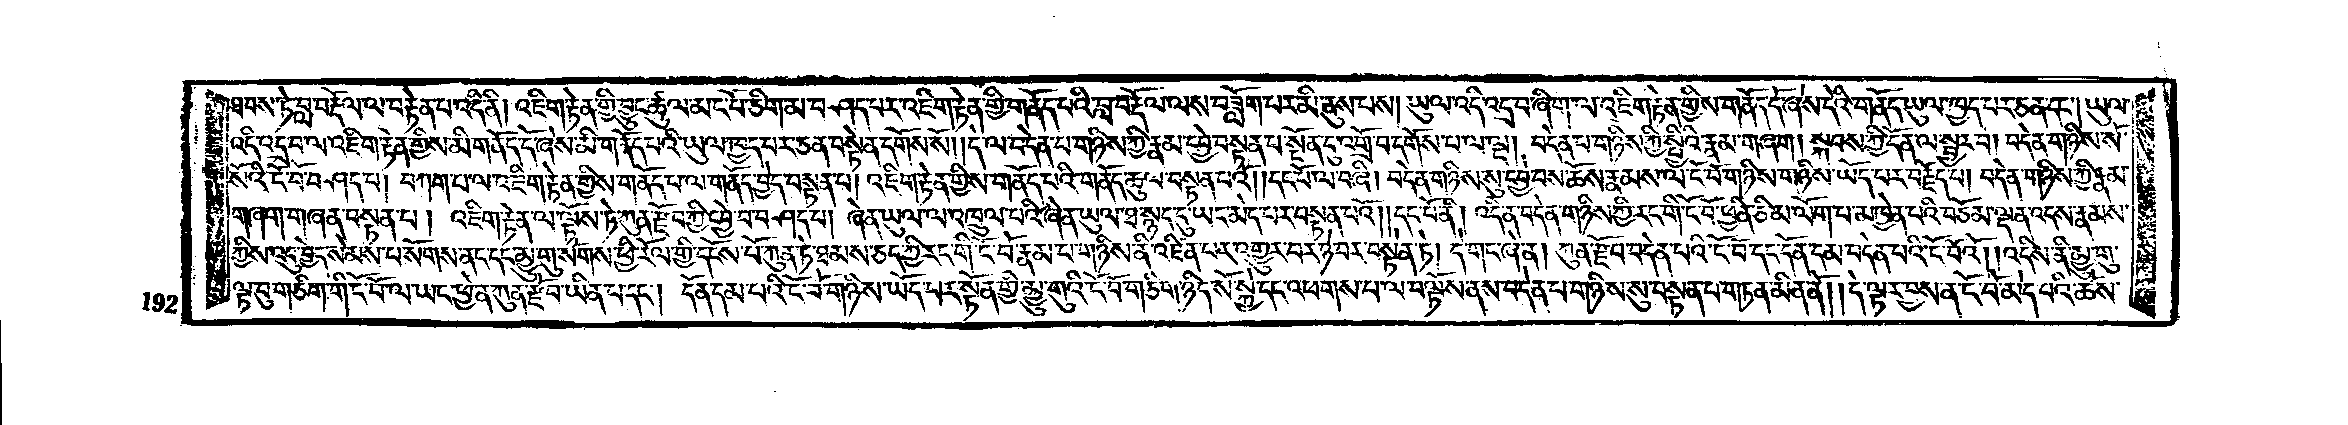ཐབས་ཏེ་བླ་བརྡོལ་ལ་བརྟེན་པ་འདི་ནི། འཇིག་རྟེན་གྱི་བྱུང་ཚུལ་མང་པོ་ཞིག་མ་བཤད་པར་འཇིག་རྟེན་གྱི་གནོད་པའི་བླ་བརྡོལ་ལས་བཟློག་པར་མི་ནུས་པས། ཡུལ་འདི་འདྲ་བ་ཞིག་ལ་འཇིག་རྟེན་གྱིས་གནོད་དོ་ཞེས་དེའི་གནོད་ཡུལ་ཁྱད་པར་ཅན་དང་། ཡུལ་
འདི་འདྲ་བ་ལ་འཇིག་རྟེན་གྱིས་མི་གནོད་དོ་ཞེས་མི་གནོད་པའི་ཡུལ་ཁྱད་པར་ཅན་བསྟེན་དགོས་སོ། །དེ་ལ་བདེན་པ་གཉིས་ཀྱི་རྣམ་དབྱེ་བསྟན་པ་སྔོན་དུ་འགྲོ་བ་དགོས་པ་ལ་ལྔ། བདེན་པ་གཉིས་ཀྱི་སྤྱིའི་རྣམ་གཞག །སྐབས་ཀྱི་དོན་ལ་སྦྱར་བ། བདེན་གཉིས་སོ་
སོའི་ངོ་བོ་བཤད་པ། བཀག་པ་ལ་འཇིག་རྟེན་གྱིས་གནོད་པ་ལ་གནོད་བྱེད་བསྟན་པ། འཇིག་རྟེན་གྱིས་གནོད་པའི་གནོད་ཚུལ་བསྟན་པའོ། །དང་པོ་ལ་བཞི། བདེན་གཉིས་སུ་དབྱེ་བས་ཆོས་རྣམས་ལ་ངོ་བོ་གཉིས་གཉིས་ཡོད་པར་བརྗོད་པ། བདེན་གཉིས་ཀྱི་རྣམ་
གཞག་གཞན་བསྟན་པ། འཇིག་རྟེན་ལ་ལྟོས་ཏེ་ཀུན་རྫོབ་ཀྱི་དབྱེ་བ་བཤད་པ། ཞེན་ཡུལ་ལ་འཁྲུལ་པའི་ཞེན་ཡུལ་ཐ་སྙད་དུ་ཡང་མེད་པར་བསྟན་པའོ། །དང་པོ་ནི། འདི་ན་བདེན་གཉིས་ཀྱི་རང་གི་ངོ་བོ་ཕྱིན་ཅི་མ་ལོག་པ་མཁྱེན་པའི་བཅོམ་ལྡན་འདས་རྣམས་
ཀྱིས་འདུ་བྱེད་སེམས་པ་སོགས་ནད་དང་མྱུ་གུ་སོགས་ཕྱི་རོལ་གྱི་དངོས་པོ་ཀུན་ཏེ་ཐམས་ཅད་ཀྱི་རང་གི་ངོ་བོ་རྣམ་པ་གཉིས་ནི་འཛིན་པར་འགྱུར་བར་ཉེ་བར་བསྟེན་ཏེ། དེ་གང་ཞེ་ན། ཀུན་རྫོབ་བདེན་པའི་ངོ་བོ་དང་དོན་དམ་བདེན་པའི་ངོ་བོའོ། །འདིས་ནི་མྱུ་གུ་
ལྟ་བུ་གཅིག་གི་ངོ་བོ་ལ་ཡང་ཕྱེ་ན་ཀུན་རྫོབ་ཡིན་པ་དང་། དོན་དམ་པའི་ངོ་བོ་གཉིས་ཡོད་པར་སྟོན་གྱི་མྱུ་གུའི་ངོ་བོ་གཅིག་ཉིད་སོ་སྐྱེ་དང་འཕགས་པ་ལ་བལྟོས་ནས་བདེན་པ་གཉིས་སུ་བསྟན་པ་གཏན་མིན་ནོ། །དེ་ལྟར་བྱས་ན་ངོ་བོ་མེད་པའི་ཆོས་